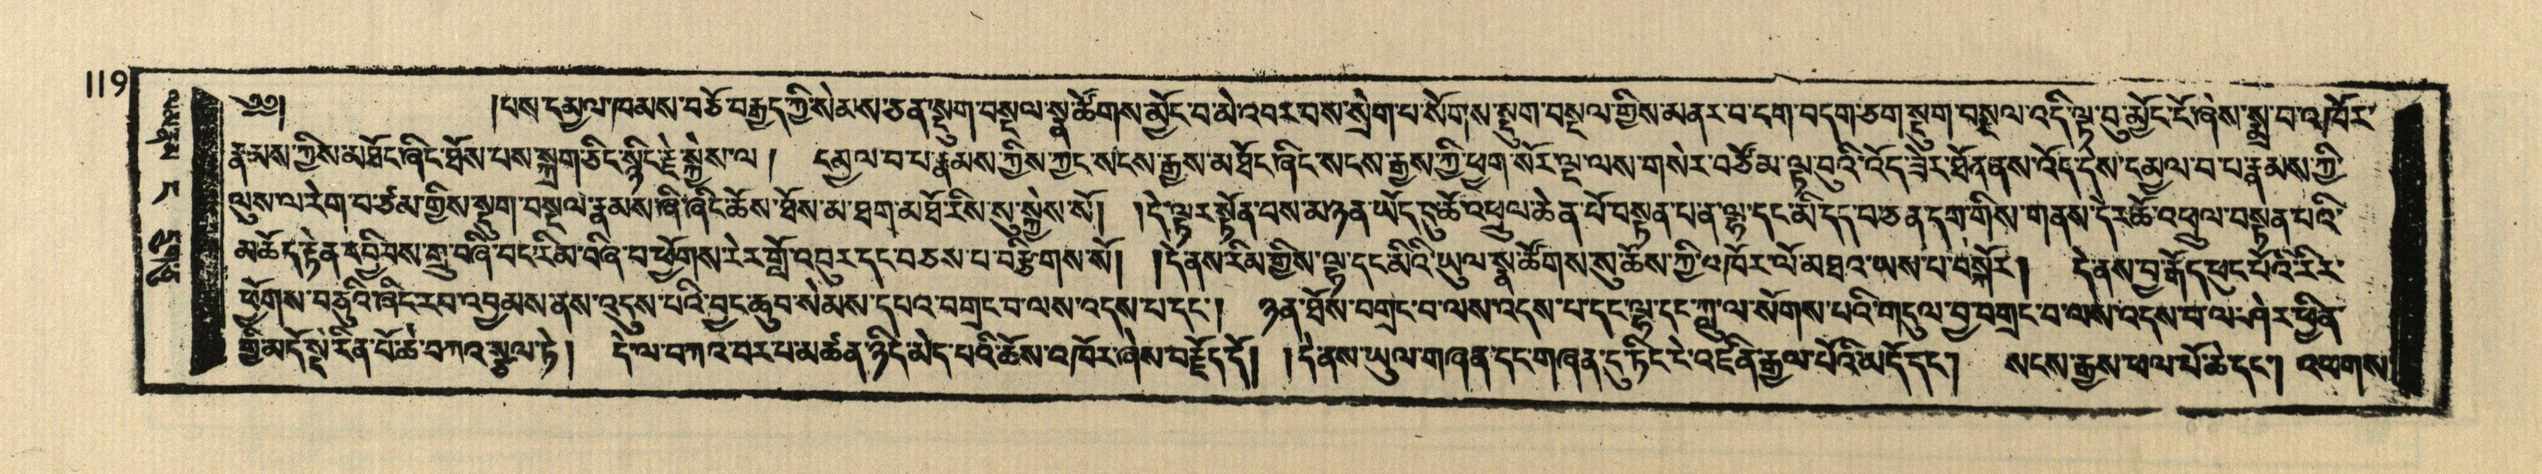༄༅། །པས་དམྱལ་ཁམས་བཅོ་བརྒྱད་ཀྱི་སེམས་ཅན་སྡུག་བསྔལ་སྣ་ཚོགས་མྱོང་བ་མེ་འབར་བས་སྲེག་པ་སོགས་སྡུག་བསྔལ་གྱིས་མནར་བ་ངག་བདག་ཅག་སྡུག་བསྔལ་འདི་ལྟ་བུ་མྱོང་ངོ་ཞེས་སྨྲ་བ་འཁོར་
རྣམས་ཀྱིས་མཐོང་ཞིང་ཐོས་པས་སྐྲག་ཅིང་སྙིང་རྗེ་སྐྱེས་ལ། དམྱལ་བ་པ་རྣམས་ཀྱིས་ཀྱང་སངས་རྒྱས་མཐོང་ཞིང་སངས་རྒྱས་ཀྱི་ཕྱག་སོར་ལྔ་ལས་གསེར་བཙོམ་ལྟ་བུའི་འོད་ཟེར་ཐོན་ནས་འོད་དེས་དམྱལ་བ་པ་རྣམས་ཀྱི་
ལུས་ལ་རེག་བ་ཙམ་གྱིས་སྡུག་བསྔལ་རྣམས་ཞི་ཞིང་ཆོས་ཐོས་མ་ཐག་མཐོ་རིས་སུ་སྐྱེས་སོ། །དེ་ལྟར་སྟོན་བས་མཉན་ཡོད་དུ་ཆོ་འཕྲུལ་ཆེན་པོ་བསྟན་པ་ན་ལྷ་དང་མི་དད་པ་ཅན་དག་གིས་གནས་དེར་ཆོ་འཕྲུལ་བསྟན་པའི་
མཆོད་རྟེན་དབྱིབས་གྲུ་བཞི་བང་རིམ་བཞི་པ་ཕྱོགས་རེར་གློ་འབུར་དང་བཅས་པ་བརྩིགས་སོ། །དེ་ནས་རིམ་གྱིས་ལྷ་དང་མིའི་ཡུལ་སྣ་ཚོགས་སུ་ཆོས་ཀྱི་འཁོར་ལོ་མཐའ་ཡས་པ་བསྐོར། དེ་ནས་བྱ་རྒོད་ཕུང་པོའི་རིར་
ཕྱོགས་བཅུའི་ཞིང་རབ་འབྱམས་ནས་འདུས་པའི་བྱང་ཆུབ་སེམས་དཔའ་བགྲང་བ་ལས་འདས་པ་དང་། ཉན་ཐོས་བགྲང་བ་ལས་འདས་པ་དང་ལྷ་དང་ཀླུ་ལ་སོགས་པའི་གདུལ་བྱ་བ་གྲང་བ་ལས་འདས་བ་ལ་ཤེར་ཕྱིན་
གྱི་མདོ་སྡེ་རིན་པོ་ཆེ་བཀའ་སྩལ་ཏེ། དེ་ལ་བཀའ་བར་པ་མཚན་ཉིད་མེད་པའི་ཆོས་འཁོར་ཞེས་བརྗོད་དོ། །དེ་ནས་ཡུལ་གཞན་དང་གཞན་དུ་ཏིང་ངེ་འཛིན་རྒྱལ་པོའི་མདོ་དང་། སངས་རྒྱས་ཕལ་པོ་ཆེ་དང་། འཕགས་